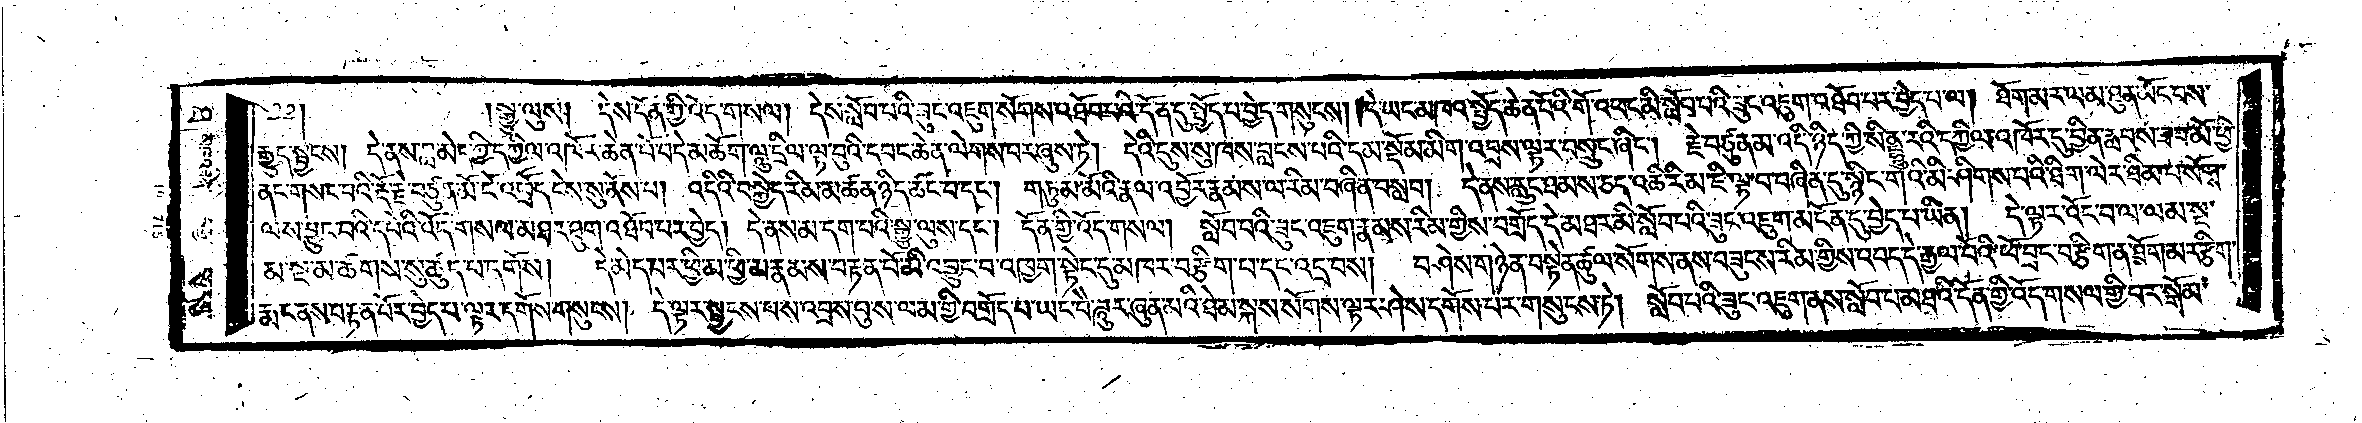༄༅། །སྒྱུ་ལུས། དེས་དོན་གྱི་འོད་གསལ། དེས་སློབ་པའི་ཟུང་འཇུག་སོགས་འཐོབ་པའི་དོན་དུ་སྤྱོད་པ་བྱེད་གསུངས། དེ་ཡང་མཁའ་སྤྱོད་ཆེན་པོའི་གོ་འཕང་མི་སློབ་པའི་ཟུང་འཇུག་འཐོབ་པར་བྱེད་པ་ལ། ཐོག་མར་ལམ་ཐུན་མོང་པས་
རྒྱུད་སྦྱངས། དེ་ནས་བླ་མེད་ཀྱི་དཀྱིལ་འཁོར་ཆེན་པོ་བདེ་མཆོག་ལཱུ་དྲིལ་ལྟ་བུའི་དབང་ཆེན་ལེགས་པར་ཞུས་ཏེ། དེའི་དུས་སུ་ཁས་བླངས་པའི་དམ་སྡོམ་མིག་འབྲས་ལྟར་བསྲུང་ཞིང་། རྗེ་བཙུན་མ་འདི་ཉིད་ཀྱི་སིནྡྷཱུ་རའི་དཀྱིལ་འཁོར་དུ་བྱིན་རླབས་ཟབ་མོ་ཕྱི་
ནང་གསང་པའི་རྡོ་རྗེ་བཙུན་མོ་ངོ་འཕྲོད་ངེས་སུ་ནོས་པ། འདིའི་བསྐྱེད་རིམ་མཚན་ཉིད་ཚང་བ་དང་། གཏུམ་མོའི་རྣལ་འབྱོར་རྣམས་ལ་རིམ་བཞིན་བསླབ། དེ་ནས་རླུང་ཐམས་ཅད་འཆི་རིམ་ཇི་ལྟ་བ་བཞིན་དུ་སྙིང་གའི་མི་ཤིགས་པའི་ཐིག་ལེར་ཐིམ་པ་སོགས་
ལས་བྱུང་བའི་དཔེའི་འོད་གསལ་མཐར་ཐུག་འཐོབ་པར་བྱེད། དེ་ནས་མ་དག་པའི་སྒྱུ་ལུས་དང་། དོན་གྱི་འོད་གསལ། སློབ་པའི་ཟུང་འཇུག་རྣམས་རིམ་གྱིས་བགྲོད་དེ་མཐར་མི་སློབ་པའི་ཟུང་འཇུག་མངོན་དུ་བྱེད་པ་ཡིན། དེ་ལྟར་འོང་བ་ལ་ལམ་སྔ་
མ་སྔ་མ་ཚགས་སུ་ཚུད་པ་དགོས། དེ་མེད་པར་ཕྱི་མ་ཕྱི་མ་རྣམས་བརྟན་པོ་མི་འབྱུང་བ་འཁྱག་སྟེང་དུ་མཁར་བརྩིག་པ་དང་འདྲ་བས། བཤེས་གཉེན་བསྟེན་ཚུལ་སོགས་ནས་བཟུངས་རིམ་གྱིས་འབད་དེ་རྒྱལ་པོའི་ཕོ་བྲང་བརྩིག་ན་ཐོག་མར་རྩིག་
རྨང་ནས་བརྟན་པོར་བྱེད་པ་ལྟར་དགོས་གསུངས། དེ་ལྟར་སྦྱངས་པས་འབྲས་བུ་ས་ལམ་གྱི་བགྲོད་པ་ཡང་བཻ་ཌཱུར་ཞུན་མའི་ཐེམ་སྐས་སོགས་ལྟར་ཤེས་དགོས་པར་གསུངས་ཏེ། སློབ་པའི་ཟུང་འཇུག་ནས་སློབ་པ་མཐའི་དོན་གྱི་འོད་གསལ་གྱི་བར་སྒོམ་